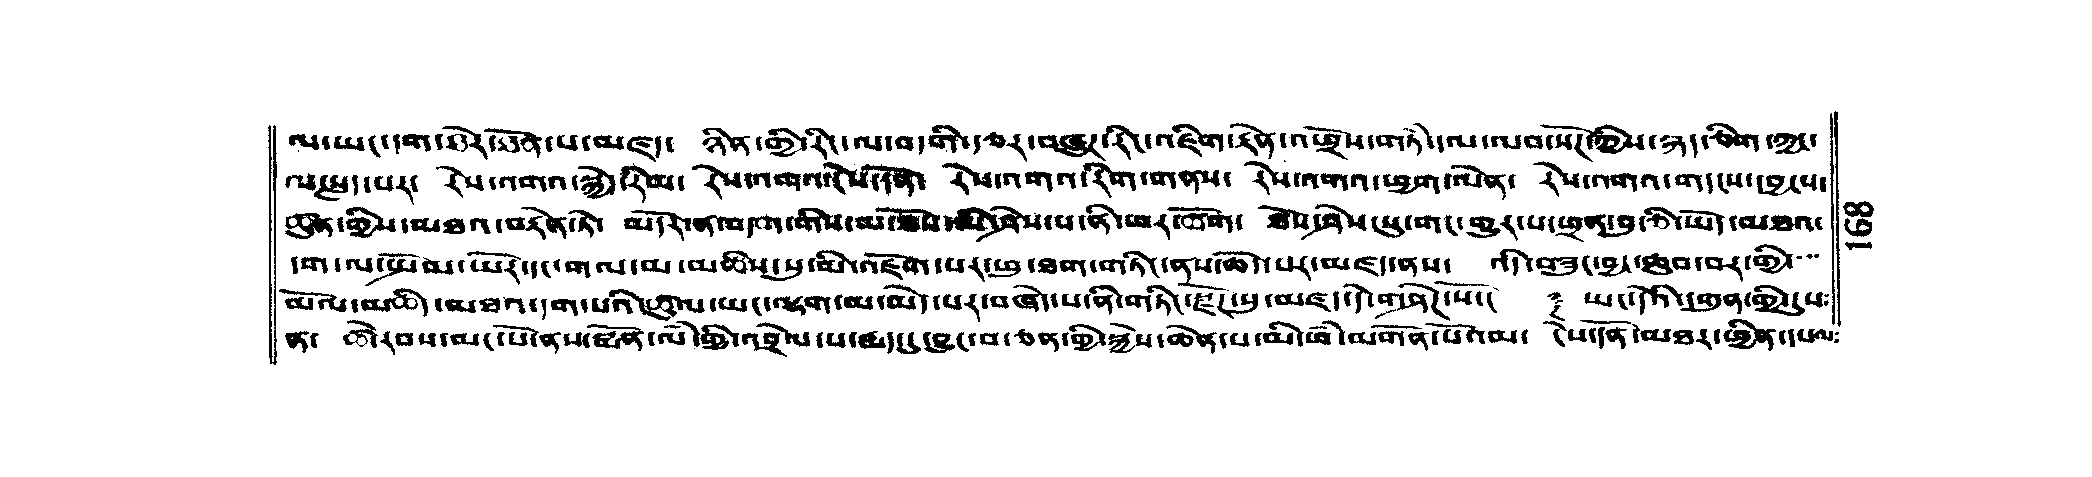ལ་ཡང་དག་ཐེར་ཐོན་པ་མཛད། ཉིན་གྱི་རིང་ལ་བདག་གི་རྩར་བཞུགས་རིང་འཇིག་རྟེན་འཕྲོས་གཏམ་ལབ་ལབ་སོགས་ཀྱིས་སྐད་ཅིག་ཀྱང་
མ་སླད་པར། རེས་འགའ་བསྐྱེད་རིམ། རེས་འགའ་ངེས་དོན། རེས་འགའ་རིག་གནས། རེས་འགའ་ཕྱག་ལེན། རེས་འགའ་གདངས་དབྱངས་
ཚུན་གྱིས་མཐའ་བརྟེན་ཏེ། མདོར་ན་བདག་གིས་མ་ཐོས་མི་ཤེས་པ་ནི་ཕར་ཞོག ཐོས་ཤེས་སུ་གང་གྱུར་པ་ཕྲན་བུ་ཅི་ཡོད་མཐའ་
དག་ལ་སྤོམ་ཡོར་དང་གལ་མ་མཆིས་སུ་མི་འཇོག་པར་ཕུ་ཐག་གཏིང་ནས་ཆོད་པར་མཛད་ནས། འདི་བཟུང་བྱང་ཆུབ་བར་གྱི་
མོལ་མཆིད་མཐའ་དག་པའི་ཚུལ་ཡང་ལྷག་མ་མེད་པར་བཞེད་པ་ནི་གཏིང་རྫོགས་སུ་མཛད་དེ་གཤེགས་སོ།། ཡང་དེའི་དགུན་གྱི་དུས་
ན། ཚེ་རབས་མང་པོ་ནས་སྨོན་ལམ་གྱི་འབྲེལ་པ་རྨད་དུ་བྱུང་བ་ཅན་གྱི་སྐྱེས་ཆེན་པ་མི་ཕམ་མགོན་པོའམ། ངེས་དོན་མཐར་ཕྱིན་དཔལ་